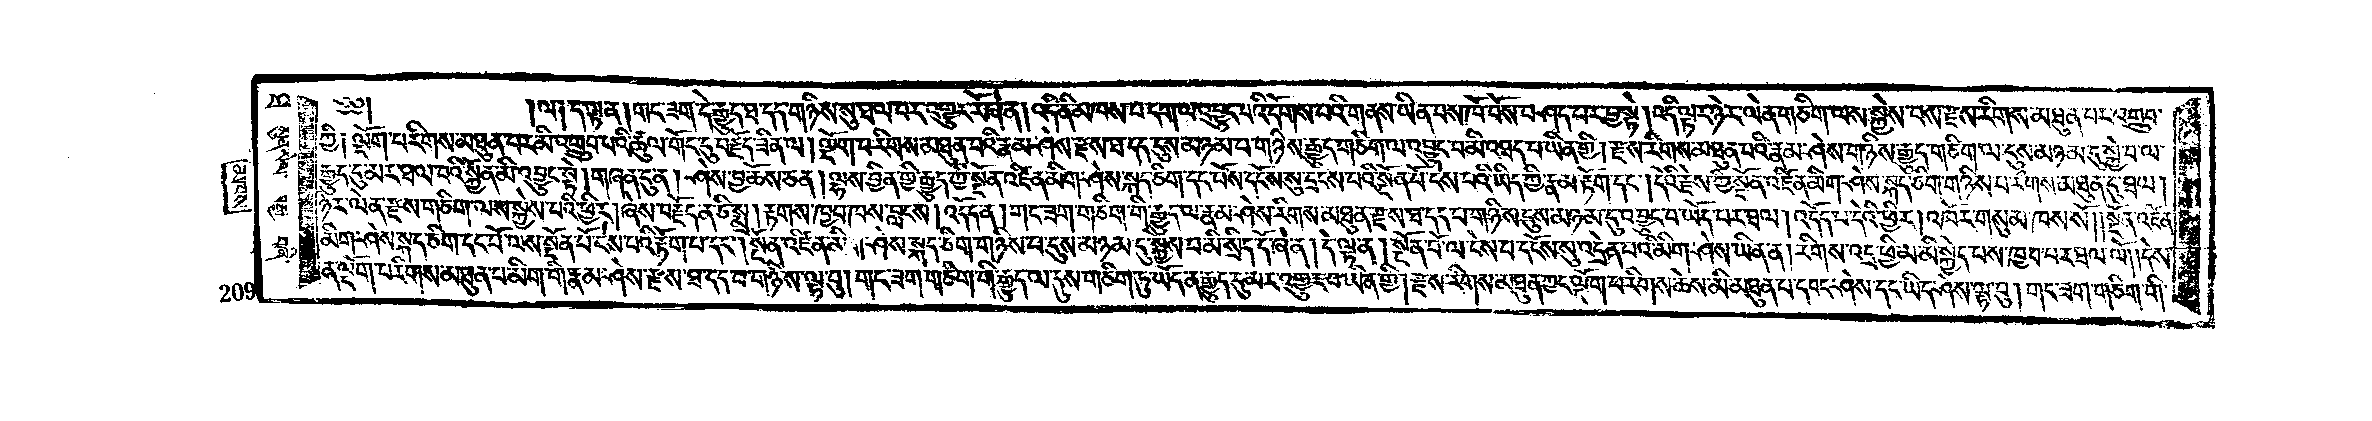༄༅། །ལ། ད་ལྟ་ན། གང་ཟག་དེ་རྒྱུད་ཐ་དད་གཉིས་སུ་ཐལ་བར་འགྱུར་རོ་ཞེ་ན། འདི་ནི་མཁས་པ་དག་ལ་འབྱུང་བའི་དོགས་པའི་གནས་ཡིན་པས་ཁོ་བོས་བཤད་པར་བྱ་སྟེ། འདི་ལྟར་ཉེར་ལེན་གཅིག་ལས་སྐྱེས་བས་རྫས་རིགས་མཐུན་པར་འགྲུབ་
ཀྱི། ལྡོག་པ་རིགས་མཐུན་པར་མི་འགྲུབ་པའི་ཚུལ་གོང་དུ་བརྗོད་ཟིན་ལ། ལྡོག་པ་རིགས་མཐུན་པའི་རྣམ་ཤེས་རྫས་ཐ་དད་དུས་མཉམ་པ་གཉིས་རྒྱུད་གཅིག་ལ་འབྱུང་བ་མི་འཐད་པ་ཡིན་གྱི། རྫས་རིགས་མཐུན་པའི་རྣམ་ཤེས་གཉིས་རྒྱུད་གཅིག་ལ་དུས་མཉམ་དུ་སྐྱེ་བ་ལ་
རྒྱུད་དུ་མར་ཐལ་བའི་སྐྱོན་མི་འབྱུང་སྟེ། གཞན་དུ་ན། ཤེས་བྱ་ཆོས་ཅན། ལྷས་བྱིན་གྱི་རྒྱུད་ཀྱི་སྔོན་འཛིན་མིག་ཤེས་སྐད་ཅིག་དང་པོས་དངོས་སུ་དྲངས་པའི་སྔོན་པོ་ངེས་པའི་ཡིད་ཀྱི་རྣམ་རྟོག་དང་། དེའི་རྗེས་ཀྱི་སྔོན་འཛིན་མིག་ཤེས་སྐད་ཅིག་གཉིས་པ་རིགས་མཐུན་དུ་ཐལ།
ཉེར་ལེན་རྫས་གཅིག་ལས་སྐྱེས་པའི་ཕྱིར། ཞེས་བརྗོད་ན་ཅི་སྨྲ། རྟགས་ཁྱབ་ཁས་བླངས། འདོད་ན། གང་ཟག་གཅིག་གི་རྒྱུད་ལ་རྣམ་ཤེས་རིགས་མཐུན་རྫས་ཐ་དད་པ་གཉིས་དུས་མཉམ་དུ་འབྱུང་བ་ཡོད་པར་ཐལ། འདོད་པ་དེའི་ཕྱིར། འཁོར་གསུམ་ཁས་སོ། །སྔོན་འཛིན་
མིག་ཤེས་སྐད་ཅིག་དང་པོ་ལས་སྔོན་པོ་ངེས་པའི་རྟོག་པ་དང་། སྔོན་འཛིན་མིག་ཤེས་སྐད་ཅིག་གཉིས་པ་དུས་མཉམ་དུ་སྐྱེས་པ་མི་སྲིད་དོ་ཞེ་ན། དེ་ལྟ་ན། སྔོན་པོ་ལ་ངེས་པ་དངོས་སུ་འདྲེན་པའི་མིག་ཤེས་ཡིན་ན། རིགས་འདྲ་ཕྱི་མ་མི་སྐྱེད་པས་ཁྱབ་པར་ཐལ་ལོ། །དེས་
ན་ལྡོག་པ་རིགས་མཐུན་པ་མིག་གི་རྣམ་ཤེས་རྫས་ཐ་དད་པ་གཉིས་ལྟ་བུ། གང་ཟག་གཅིག་གི་རྒྱུད་ལ་དུས་གཅིག་ཏུ་ཡོད་ན་རྒྱུད་དུ་མར་འགྱུར་བ་ཡིན་གྱི། རྫས་རིགས་མཐུན་ཀྱང་ལྡོག་པ་རིགས་ཆོས་མི་མཐུན་པ་དབང་ཤེས་དང་ཡིད་ཤེས་ལྟ་བུ། གང་ཟག་གཅིག་གི་